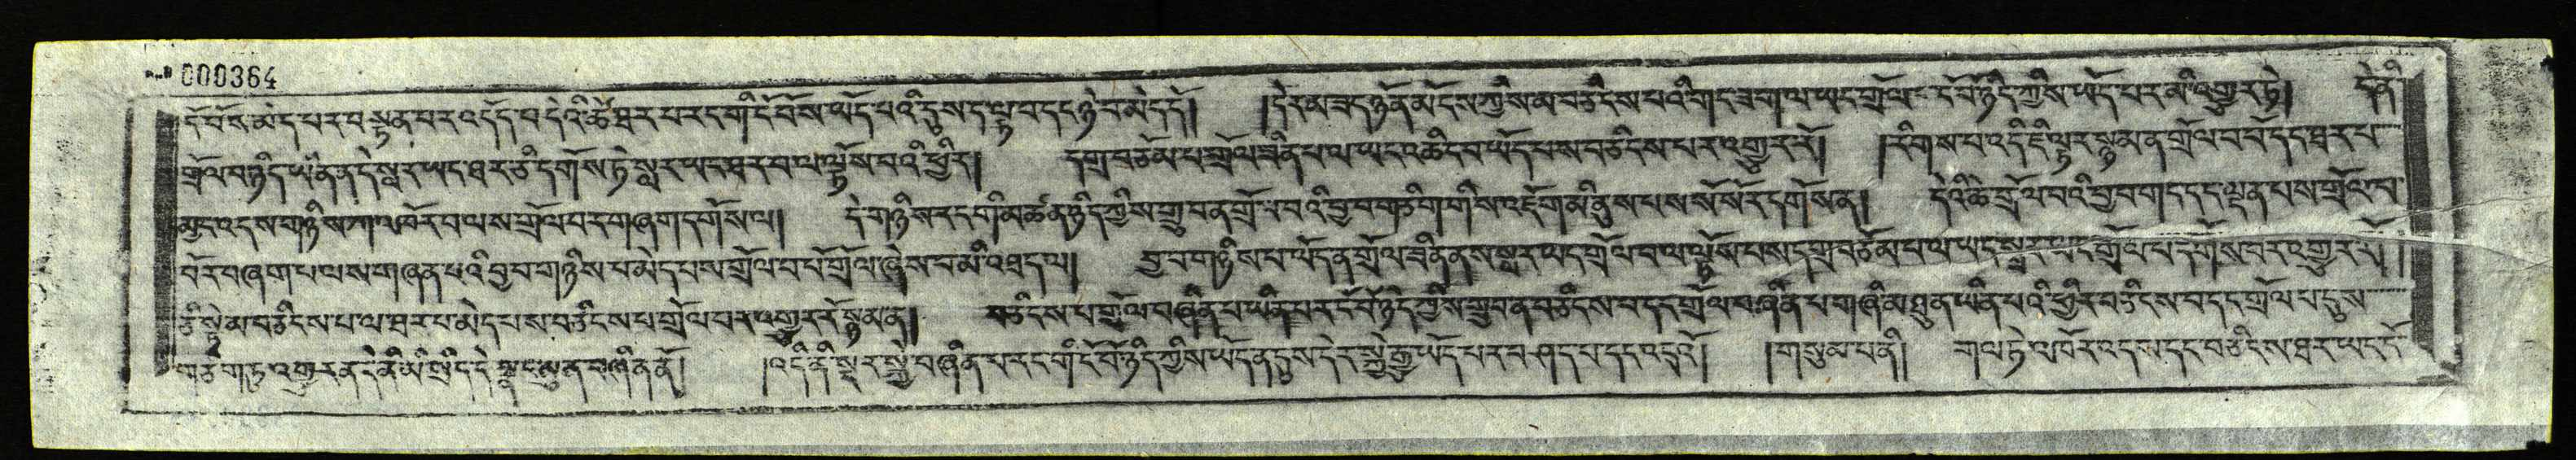ངོ་བོས་མེད་པར་བསྟན་པར་འདོད་པ་དེའི་ཚེ་ཐར་པ་རང་གི་ངོ་བོས་ཡོད་པའི་དུས་ད་ལྟ་བ་དང་ཉེ་བ་མེད་དོ། །དེར་མ་ཟད་ཉོན་མོངས་ཀྱིས་མ་བཅིངས་པའི་གང་ཟག་ལ་ཡང་གྲོལ་བ་ངོ་བོ་ཉིད་ཀྱིས་ཡོད་པར་མི་འགྱུར་ཏེ། དེ་ནི་
གྲོལ་བ་ཉིད་ཡིན་ན་དེ་སླར་ཡང་ཐར་ཅི་དགོས་ཏེ་སླར་ཡང་ཐར་བ་ལ་ལྟོས་པའི་ཕྱིར། དགྲ་བཅོམ་པ་གྲོལ་ཟིན་པ་ལ་ཡང་འཆིང་བ་ཡོད་པས་བཅིངས་པར་འགྱུར་རོ། །རིགས་པ་འདི་ཇི་ལྟར་སྙམ་ན་གྲོལ་བ་པོ་དང་ཐར་པ་
མྱང་འདས་གཉིས་ཀ་འཁོར་བ་ལས་གྲོལ་བར་གཞག་དགོས་ལ། དེ་གཉིས་རང་གི་མཚན་ཉིད་ཀྱིས་གྲུབ་ན་གྲོལ་བའི་བྱ་བ་གཅིག་གིས་འཇོག་མི་ནུས་པས་སོ་སོར་དགོས་ན། དེའི་ཆེ་གྲོལ་བའི་བྱ་བ་གང་དང་ལྡན་པས་གྲོལ་བ་
པོར་བཞག་པ་ལས་གཞན་པའི་བྱ་བ་གཉིས་པ་མེད་པས་གྲོལ་བ་པོ་གྲོལ་ཞེས་པ་མི་འཐད་ལ། བྱ་བ་གཉིས་པ་ཡོད་ན་གྲོལ་ཟིན་ནས་སླར་ཡང་གྲོལ་བ་ལ་ལྟོས་པས་དགྲ་བཅོམ་པ་ལ་ཡང་སླར་ཡང་གྲོལ་པ་དགོས་པར་འགྱུར་རོ། །
ཅི་སྟེ་མ་བཅིངས་པ་ལ་ཐར་པ་མེད་པས་བཅིངས་པ་གྲོལ་བར་འགྱུར་རོ་སྙམ་ན། བཅིངས་པ་གྲོལ་བཞིན་པ་ཡིན་པར་ངོ་བོ་ཉིད་ཀྱིས་གྲུབ་ན་བཅིངས་པ་དང་གྲོལ་བཞིན་པ་གཞི་མཐུན་ཡིན་པའི་ཕྱིར་བཅིངས་པ་དང་གྲོལ་པ་དུས་
གཅིག་ཏུ་འགྱུར་ན་དེ་ནི་མི་སྲིད་དེ་སྣང་མུན་བཞིན་ནོ། །འདི་ནི་སྔར་སྐྱེ་བཞིན་པ་རང་གི་ངོ་བོ་ཉིད་ཀྱིས་ཡོད་ན་དུས་དེར་སྐྱེ་རྒྱུ་ཡོད་པར་བཤད་པ་དང་འདྲའོ། །གསུམ་པ་ནི། གལ་ཏེ་འཁོར་འདས་དང་བཅིངས་ཐར་ཡང་ངོ་